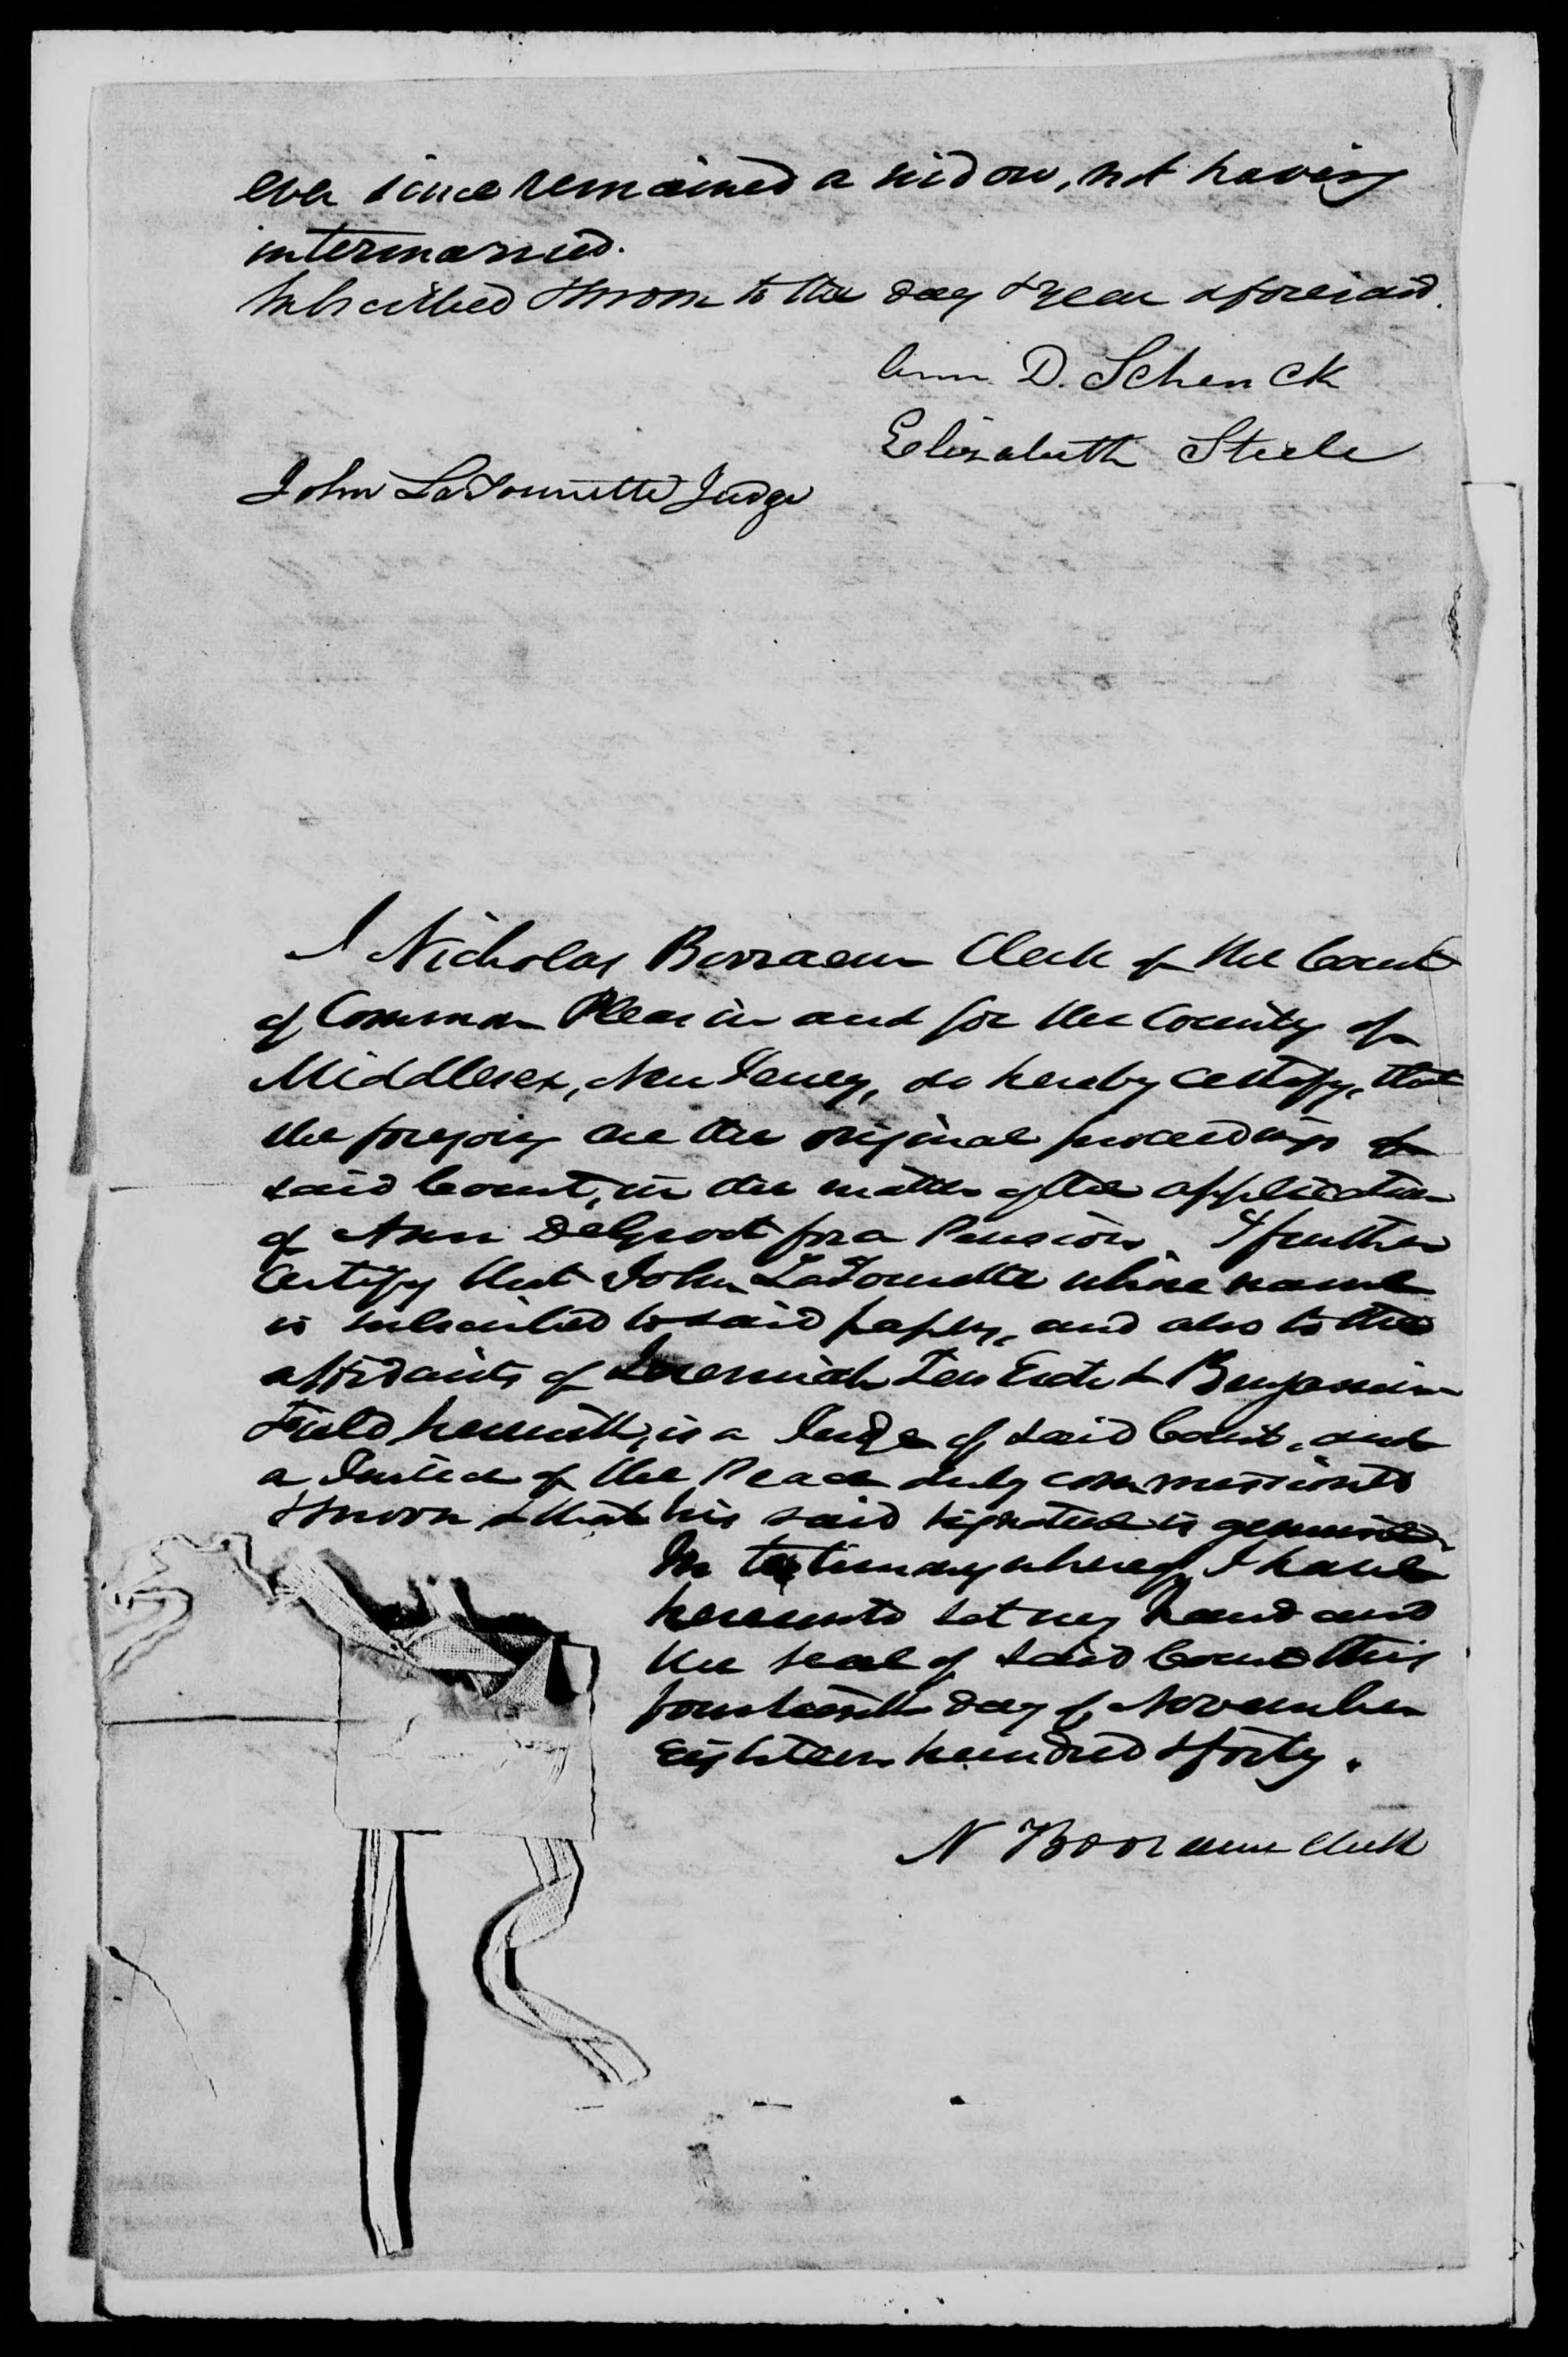ever since remained a widow, not having intermarried.
Subscribed & sworn to the day & year aforesaid.  [signatures] Ann D. Schenck  Elizabeth Steele
[signed] John La Tourette Judge

I Nicholas Booraem Clerk of the Court of Common Pleas in and for the County of Middlesex, New Jersey, do hereby certify that the foregoing are the original proceedings of said Court in the matter of the application of Ann De Groot for a Pension.  I further Certify that John La Tourette whose name is subscribed to said papers, and also to the affidavits of Jeremiah Ten Eich & Benjamin Field herewith, is a Judge of said Court and a Justice of the Peace duly commissioned & sworn & that his said signature is genuine.  In testimony whereof I have hereunto set my hand and the seal of said Court this fourteenth Day of November Eighteen hundred & forty.  [signed] N Booraem Clerk
[seal with ribbons affixed at left]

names: Benjamin Field, Jeremiah Ten Eick, N Booraem, Elizabeth Steele, Ann De Groot, Ann D Schenck, Nicholas Booraem, John La Tourette, John La Tourrette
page: 73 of 77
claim: widow's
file: W. 417, William De Groot, New Jersey